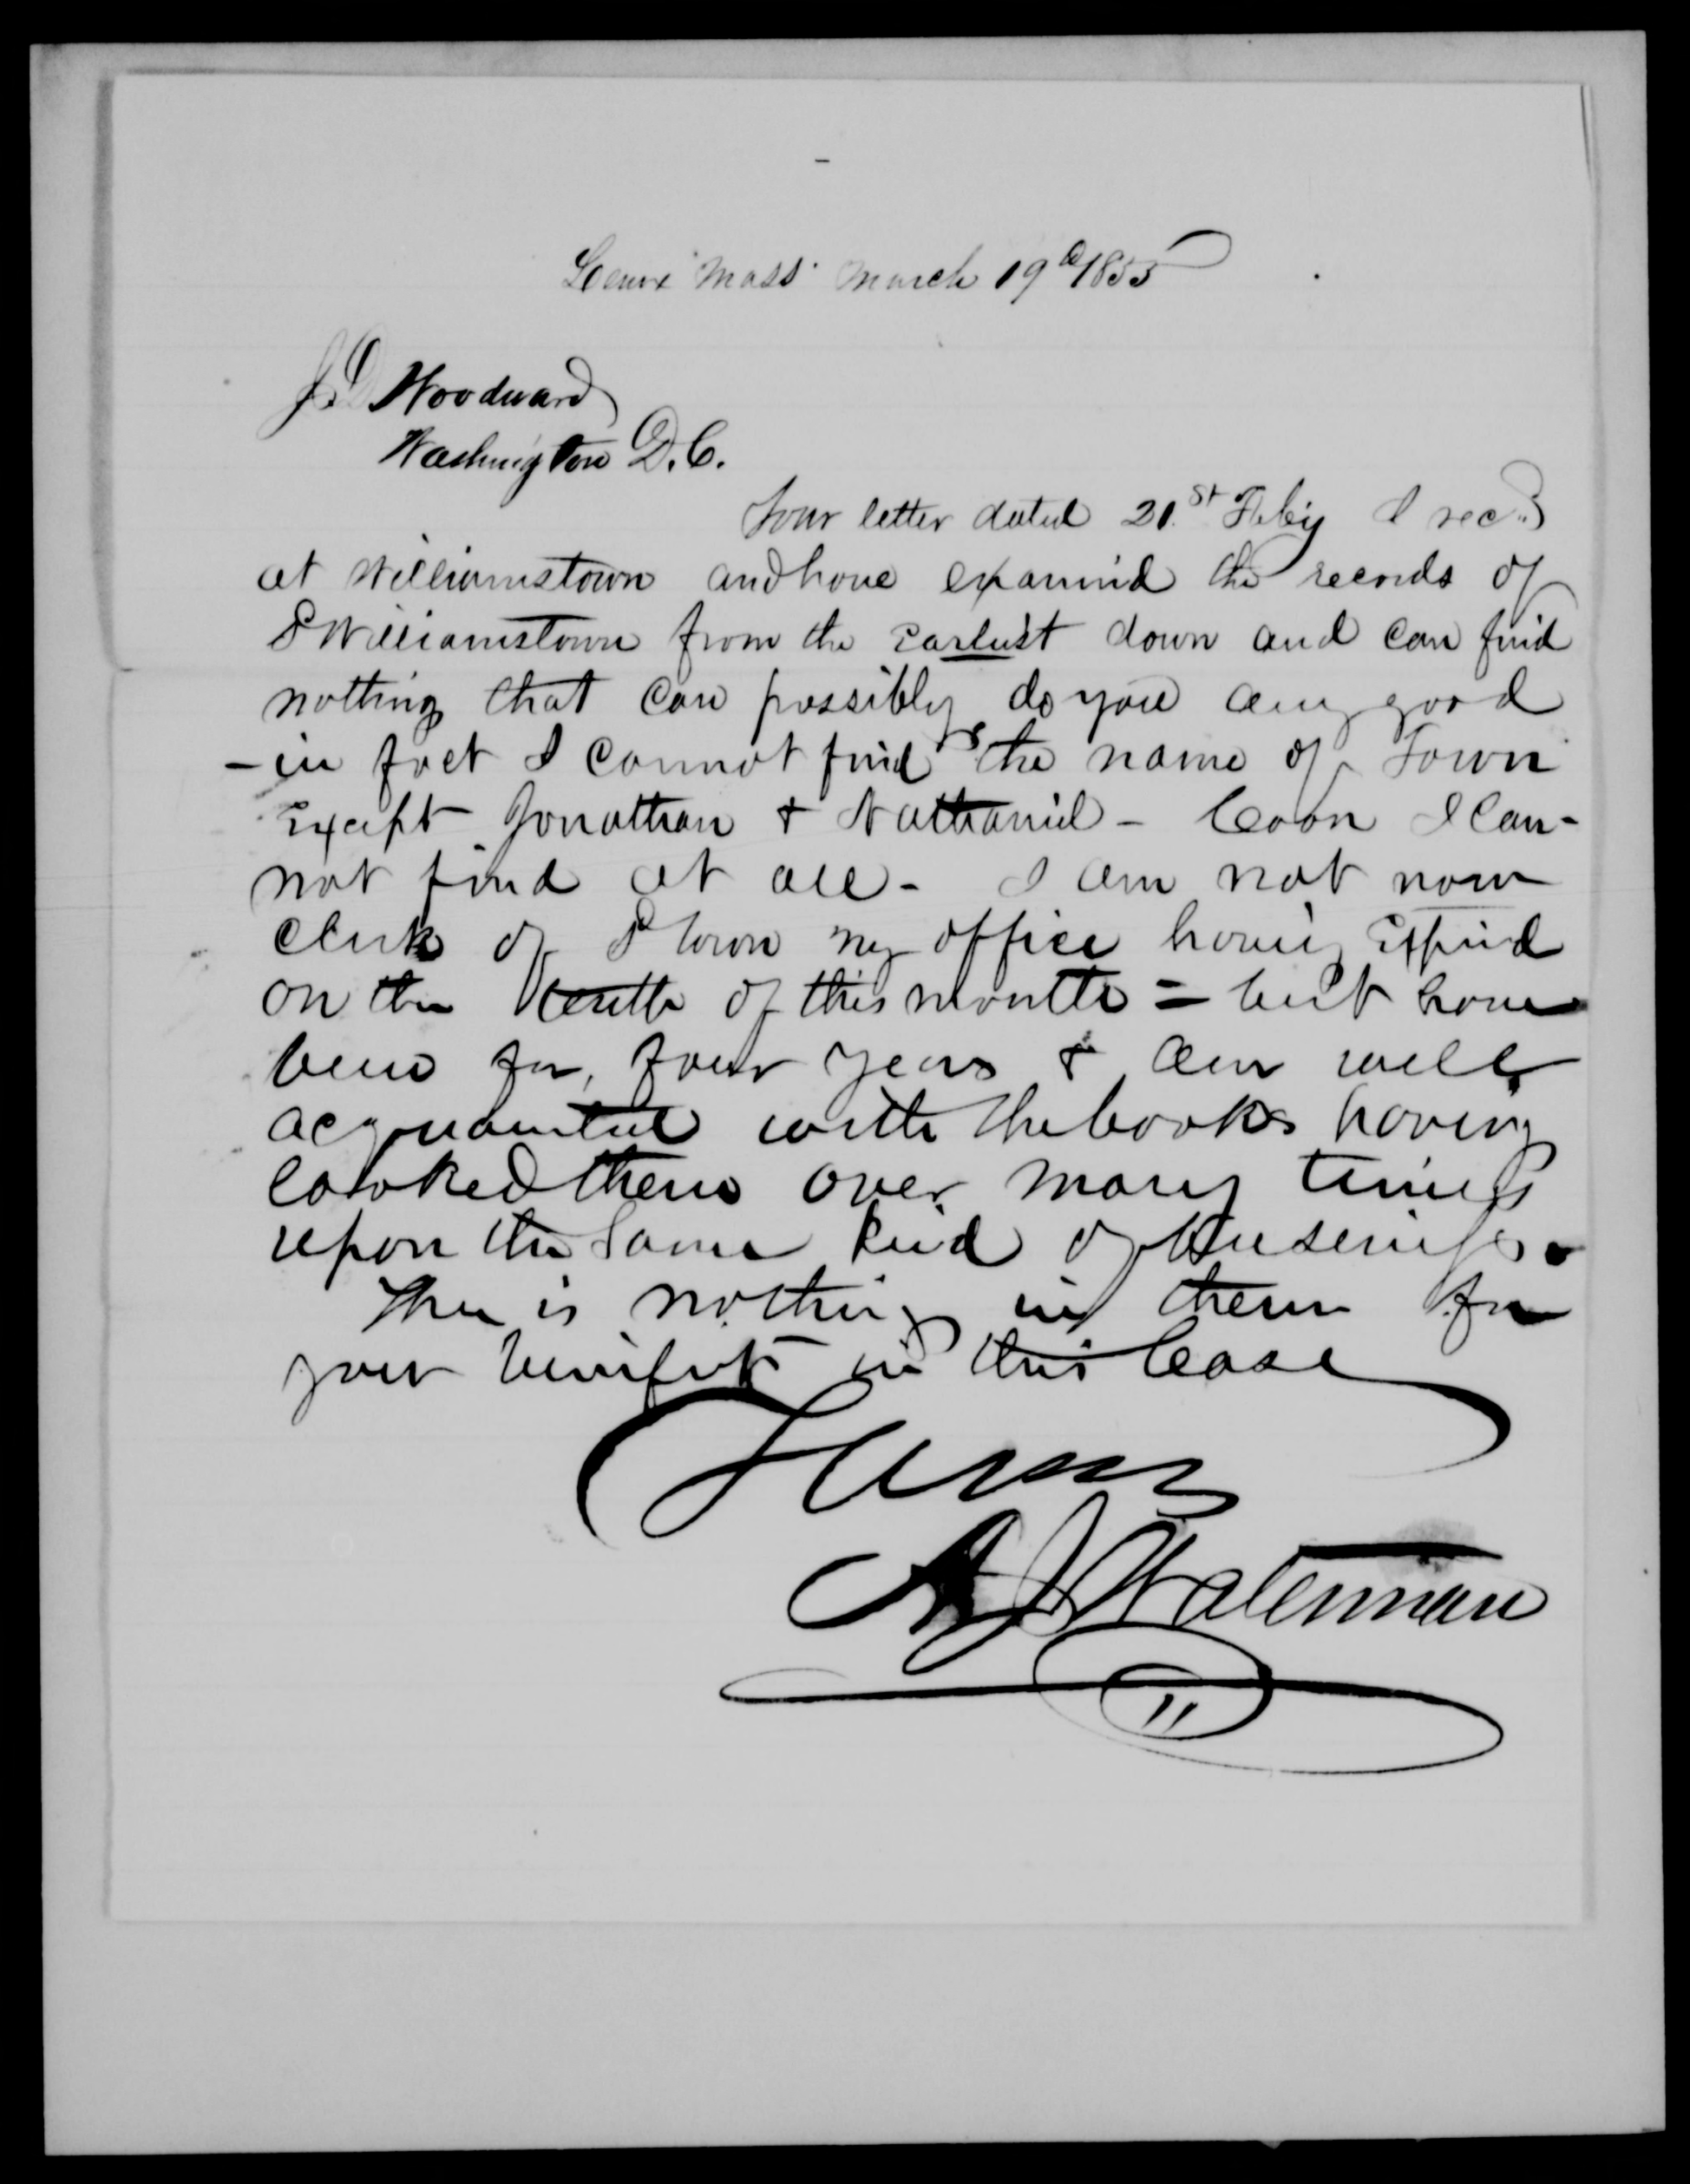Lenox Mass. March 19th 1855

J. D. Woodward
Washington D. C. 

Your letter dated 21st Feby. I rec'd at Williamstown and have examined the records of sd. Williamstown from the earliest down and can find nothing that can possibly do you any good-in fact I cannot find the name of Town except Johathan & Nathaniel-Coon I cannot find at all. I am not now clerk of sd. town my office having expired on the tenth of this month=but have been for four years & am well acquainted with the books having looked them over many times upon the same kind of business.
There is nothing in them for your benefit in the case.
James A. Waterman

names: J D Woodward, Town, A J Waterman, Nathaniel Coon, Jonathan Coon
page: 30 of 64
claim: widow's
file: W. 5831, Edmund Town, Mass.